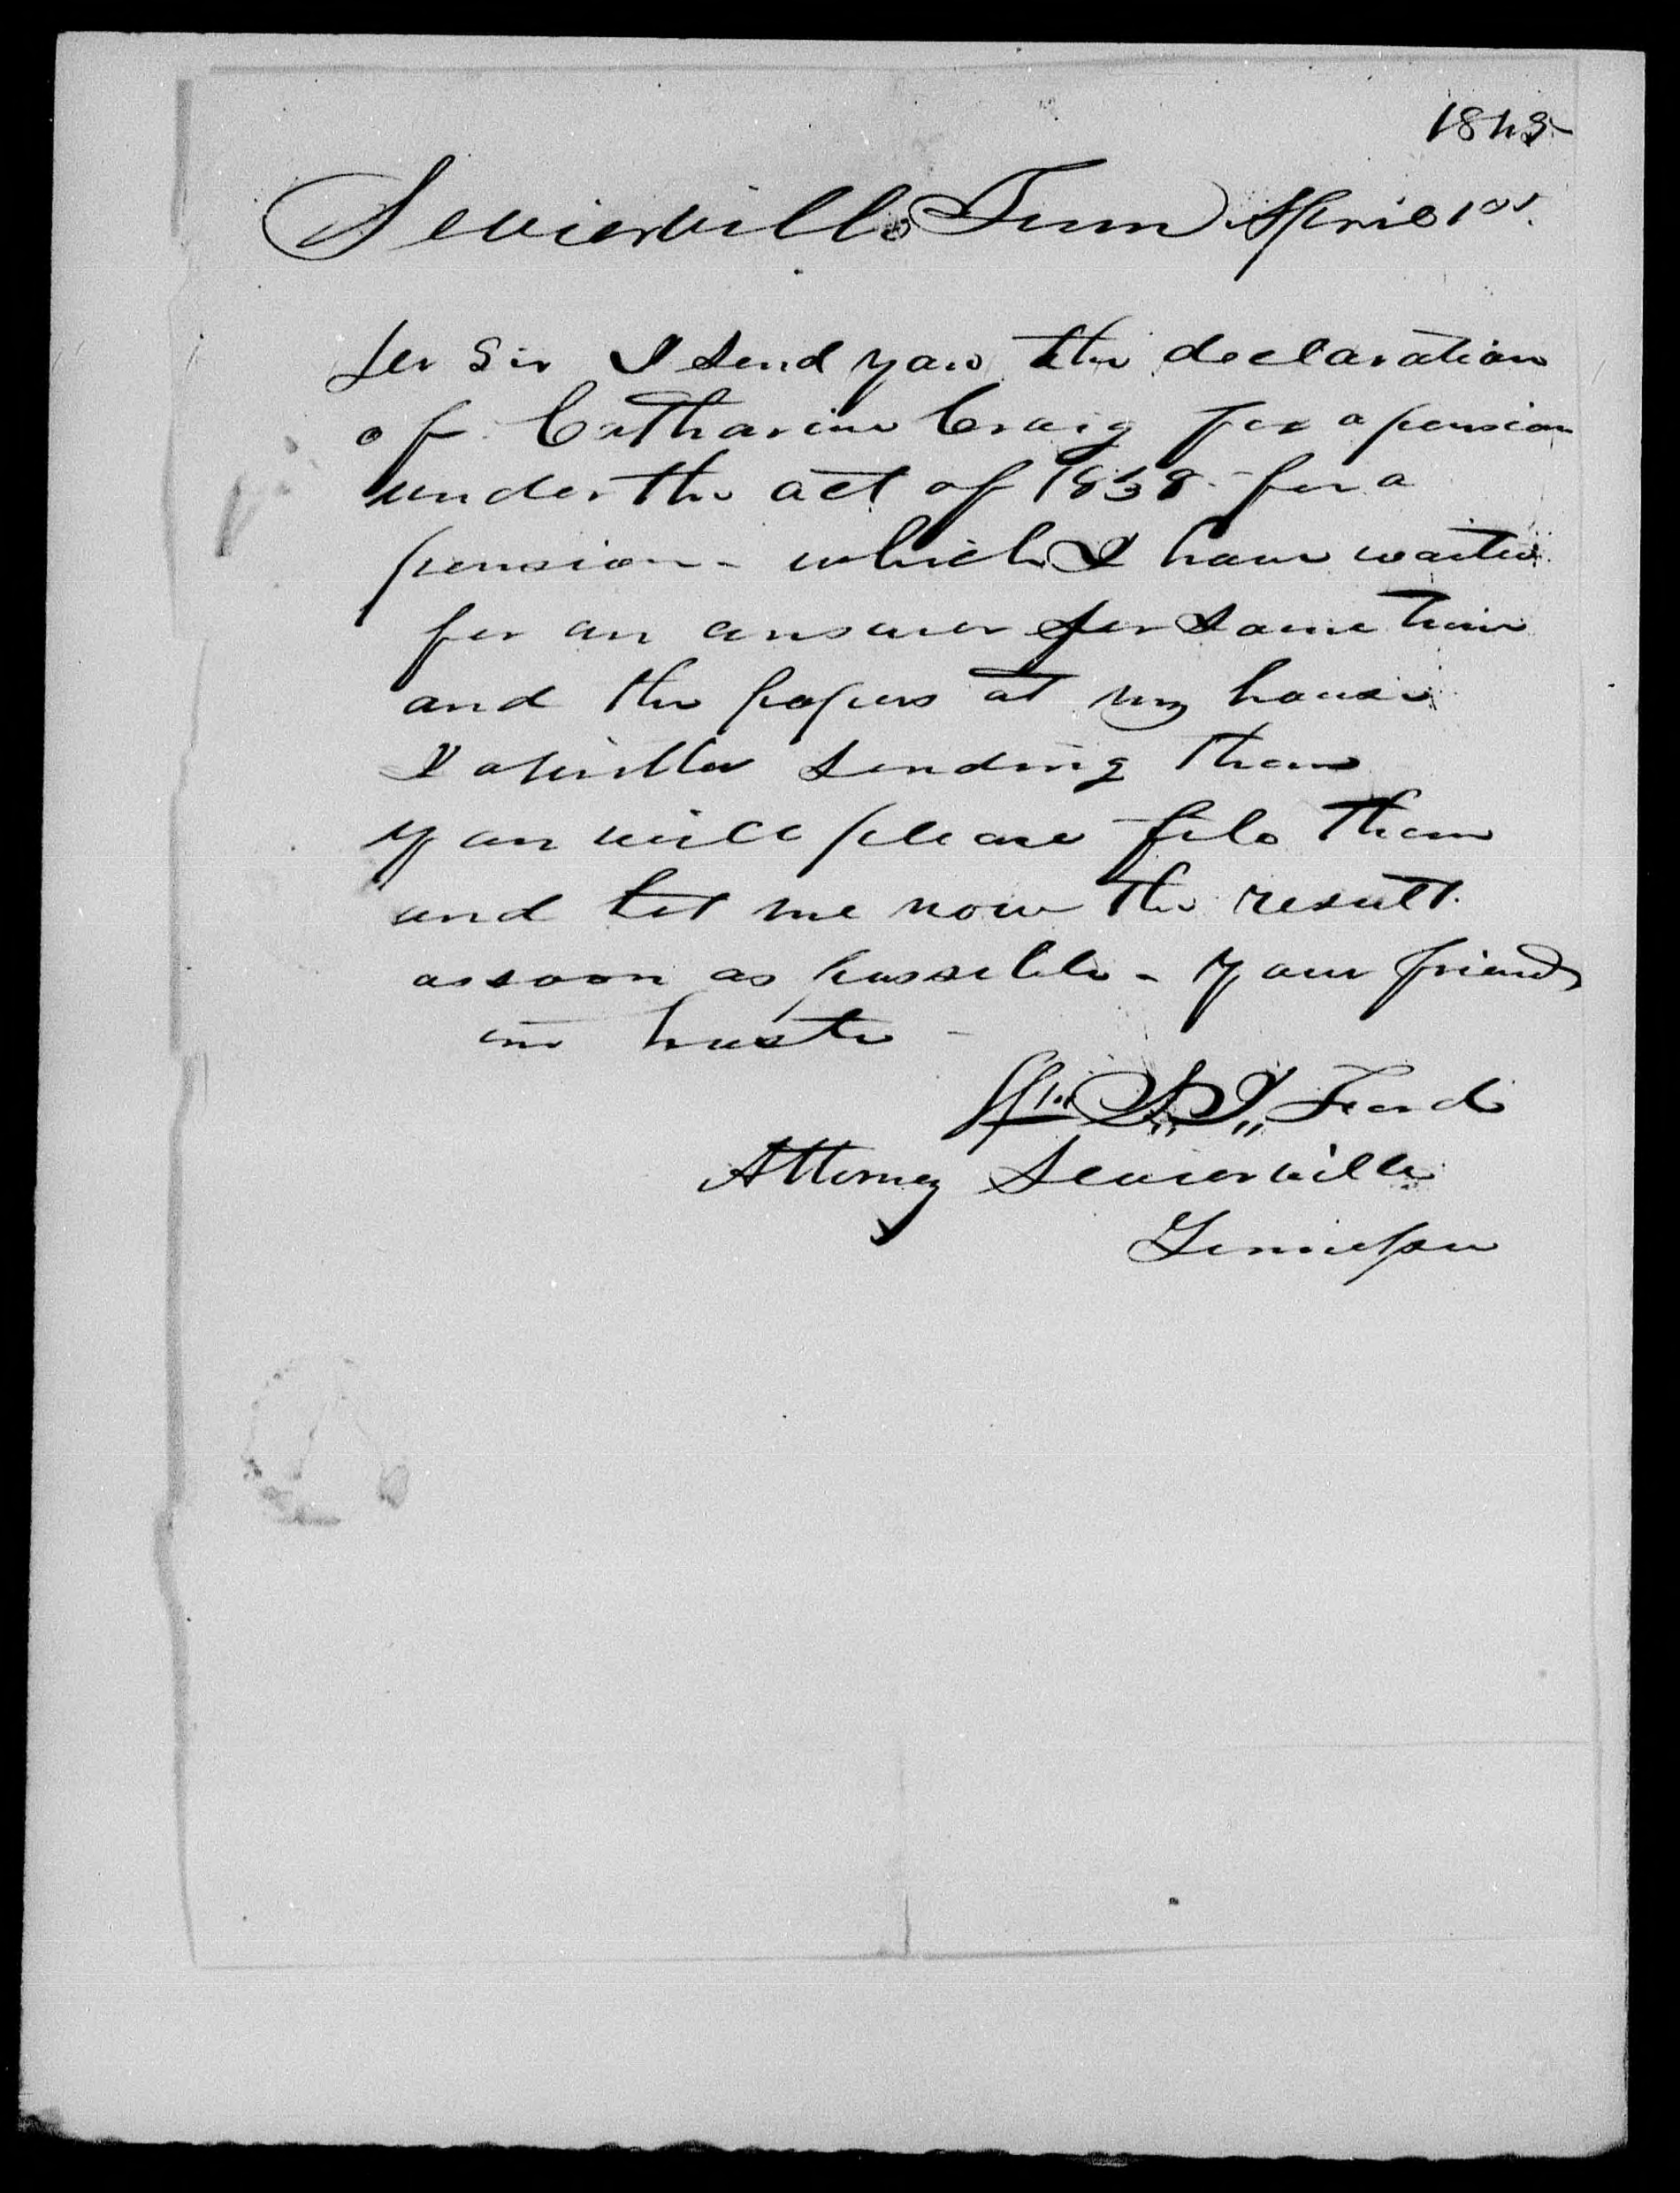1845
Sevierville Tenn April 1st
Dear Sir I send you the declaration
of Catharine Craig
for a pension
under the act of 1838 for a
pension which I have waited
for an answer for some time
and the papers at my hand
I [illegible] sending them
you will please file them
and let me now [sic] the result
as soon as possible-- your friend
in trust
Wm S. J.  Ford
Attorney Sevierville
Tennessee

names: W S J Ford, Catharine Craig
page: 51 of 55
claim: widow's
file: W. 22864, John Craig, S.C. Born In Iceland